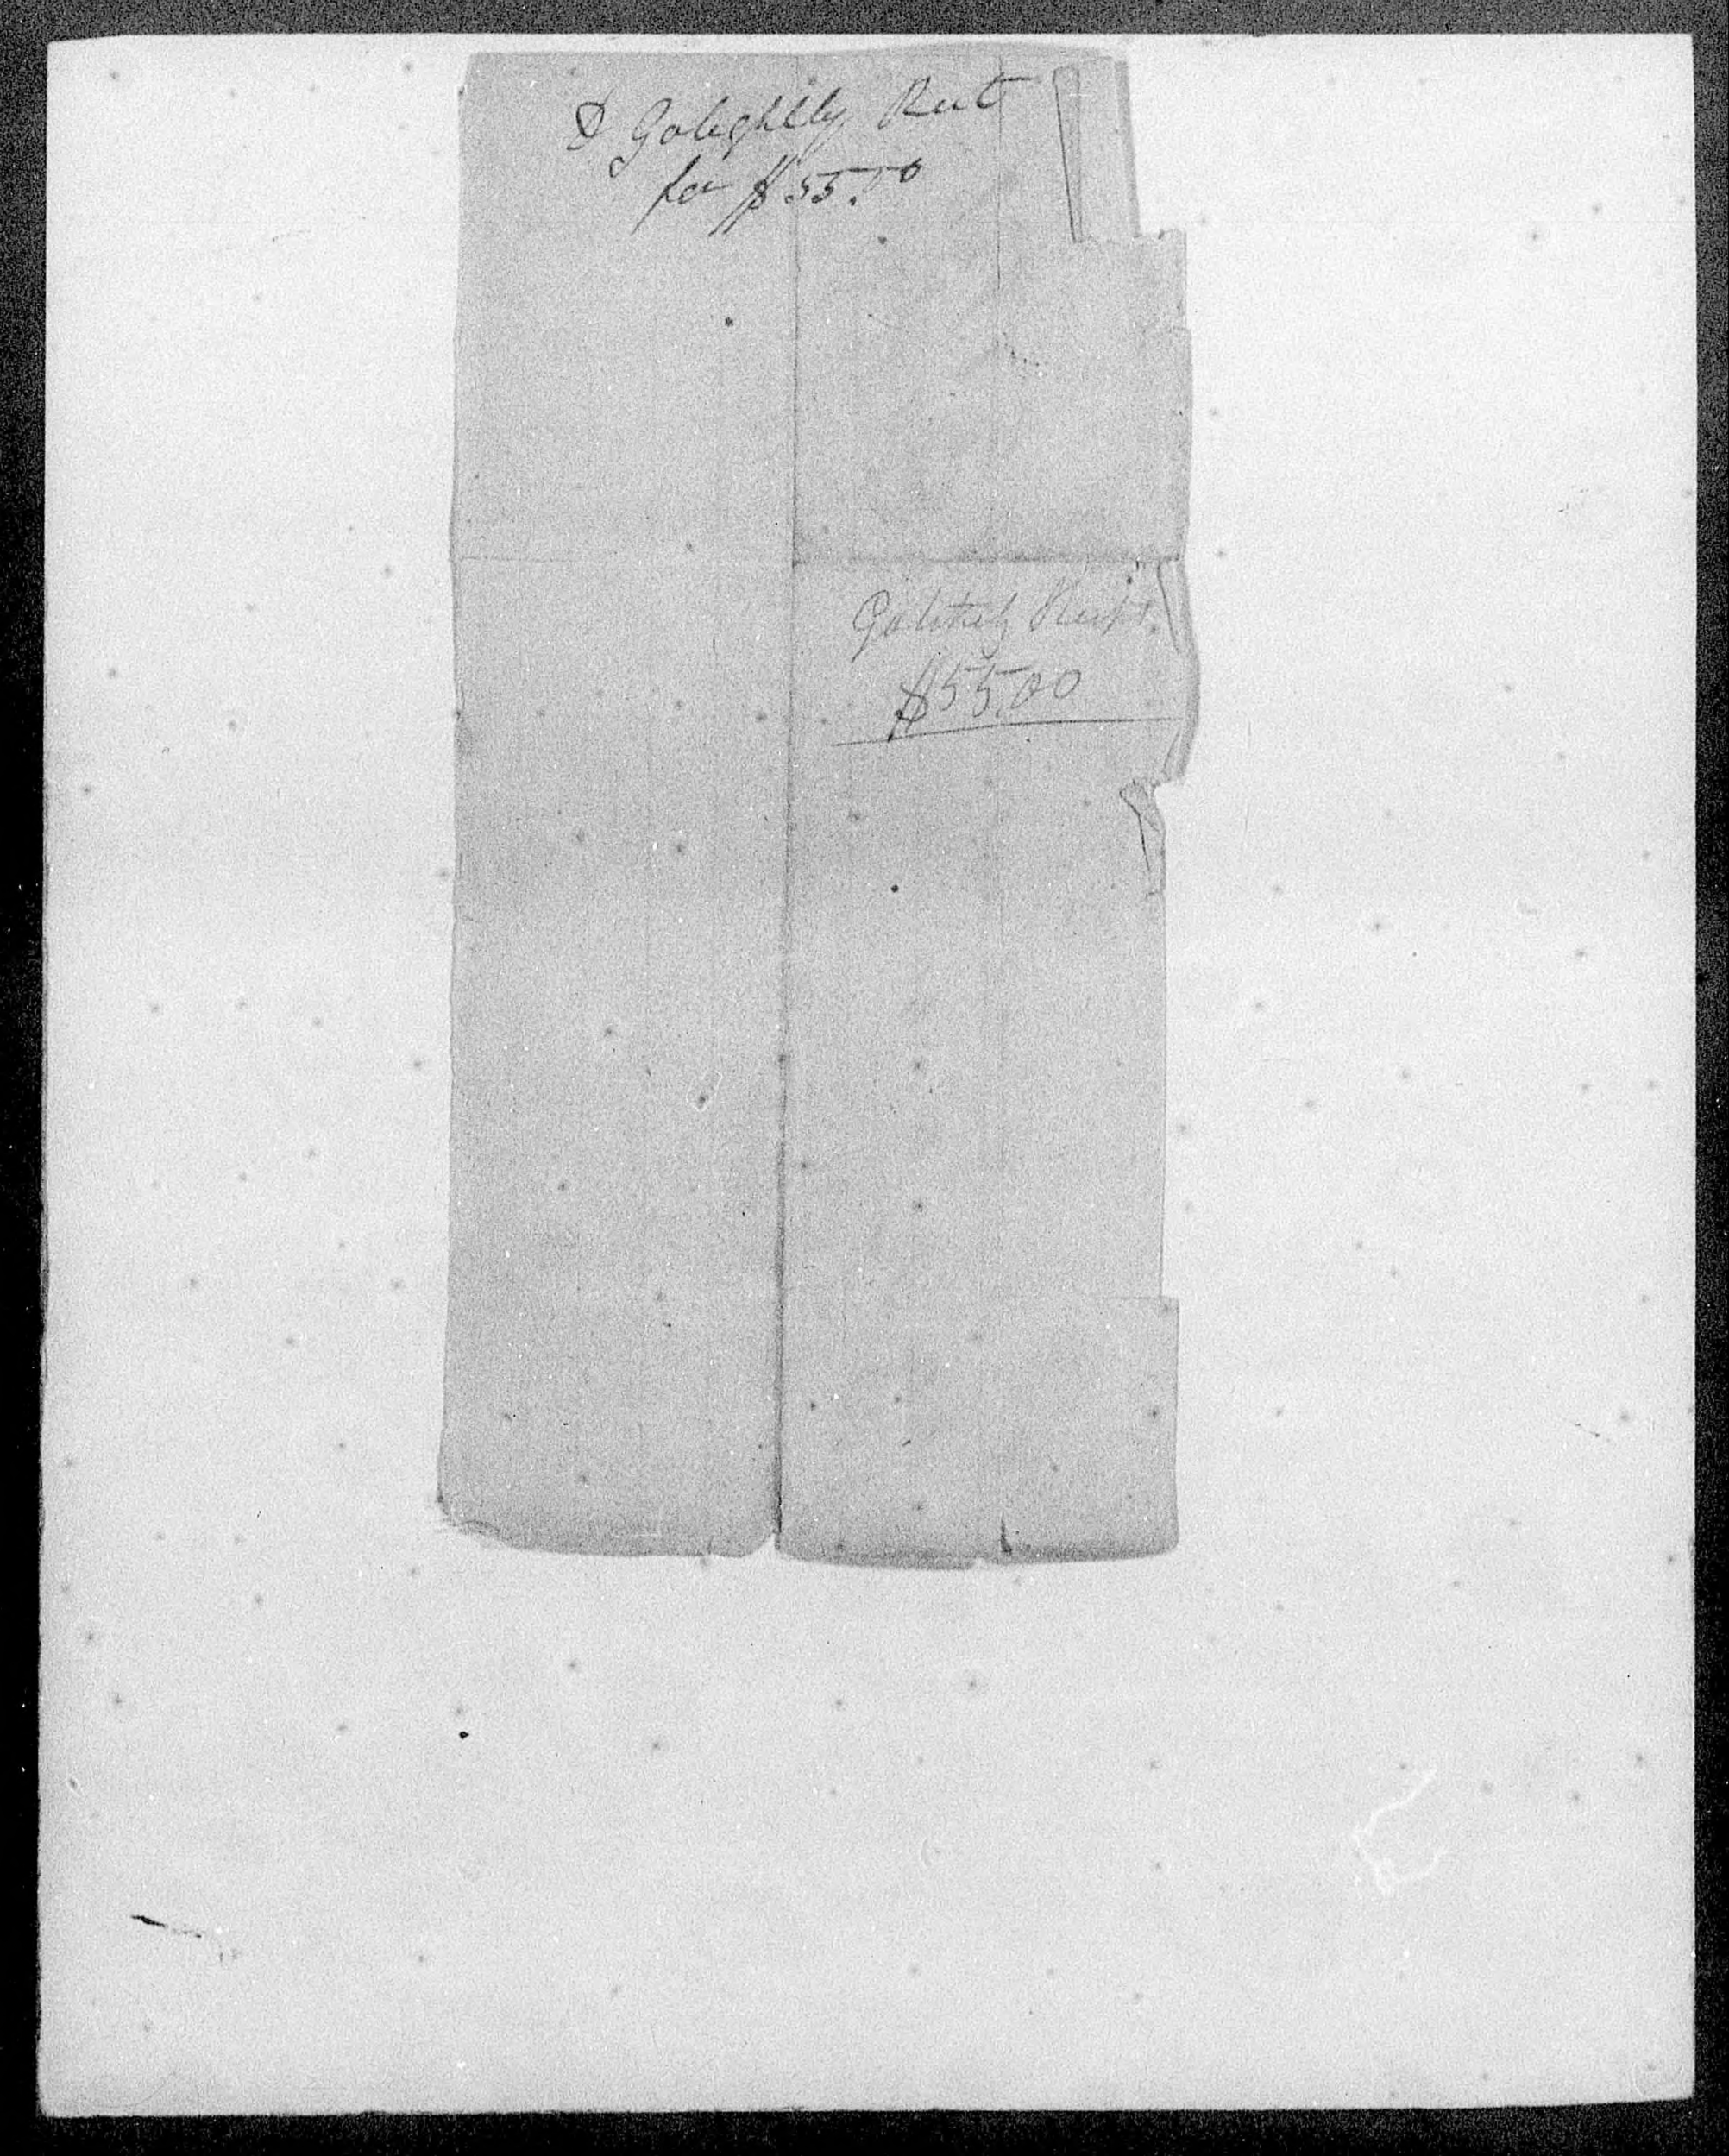D Golightly Private
$55.00

Golightly
$55.00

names: Golikely, D Golightly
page: 45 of 57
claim: survivor's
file: S. 18888, David Golightly, S.C.